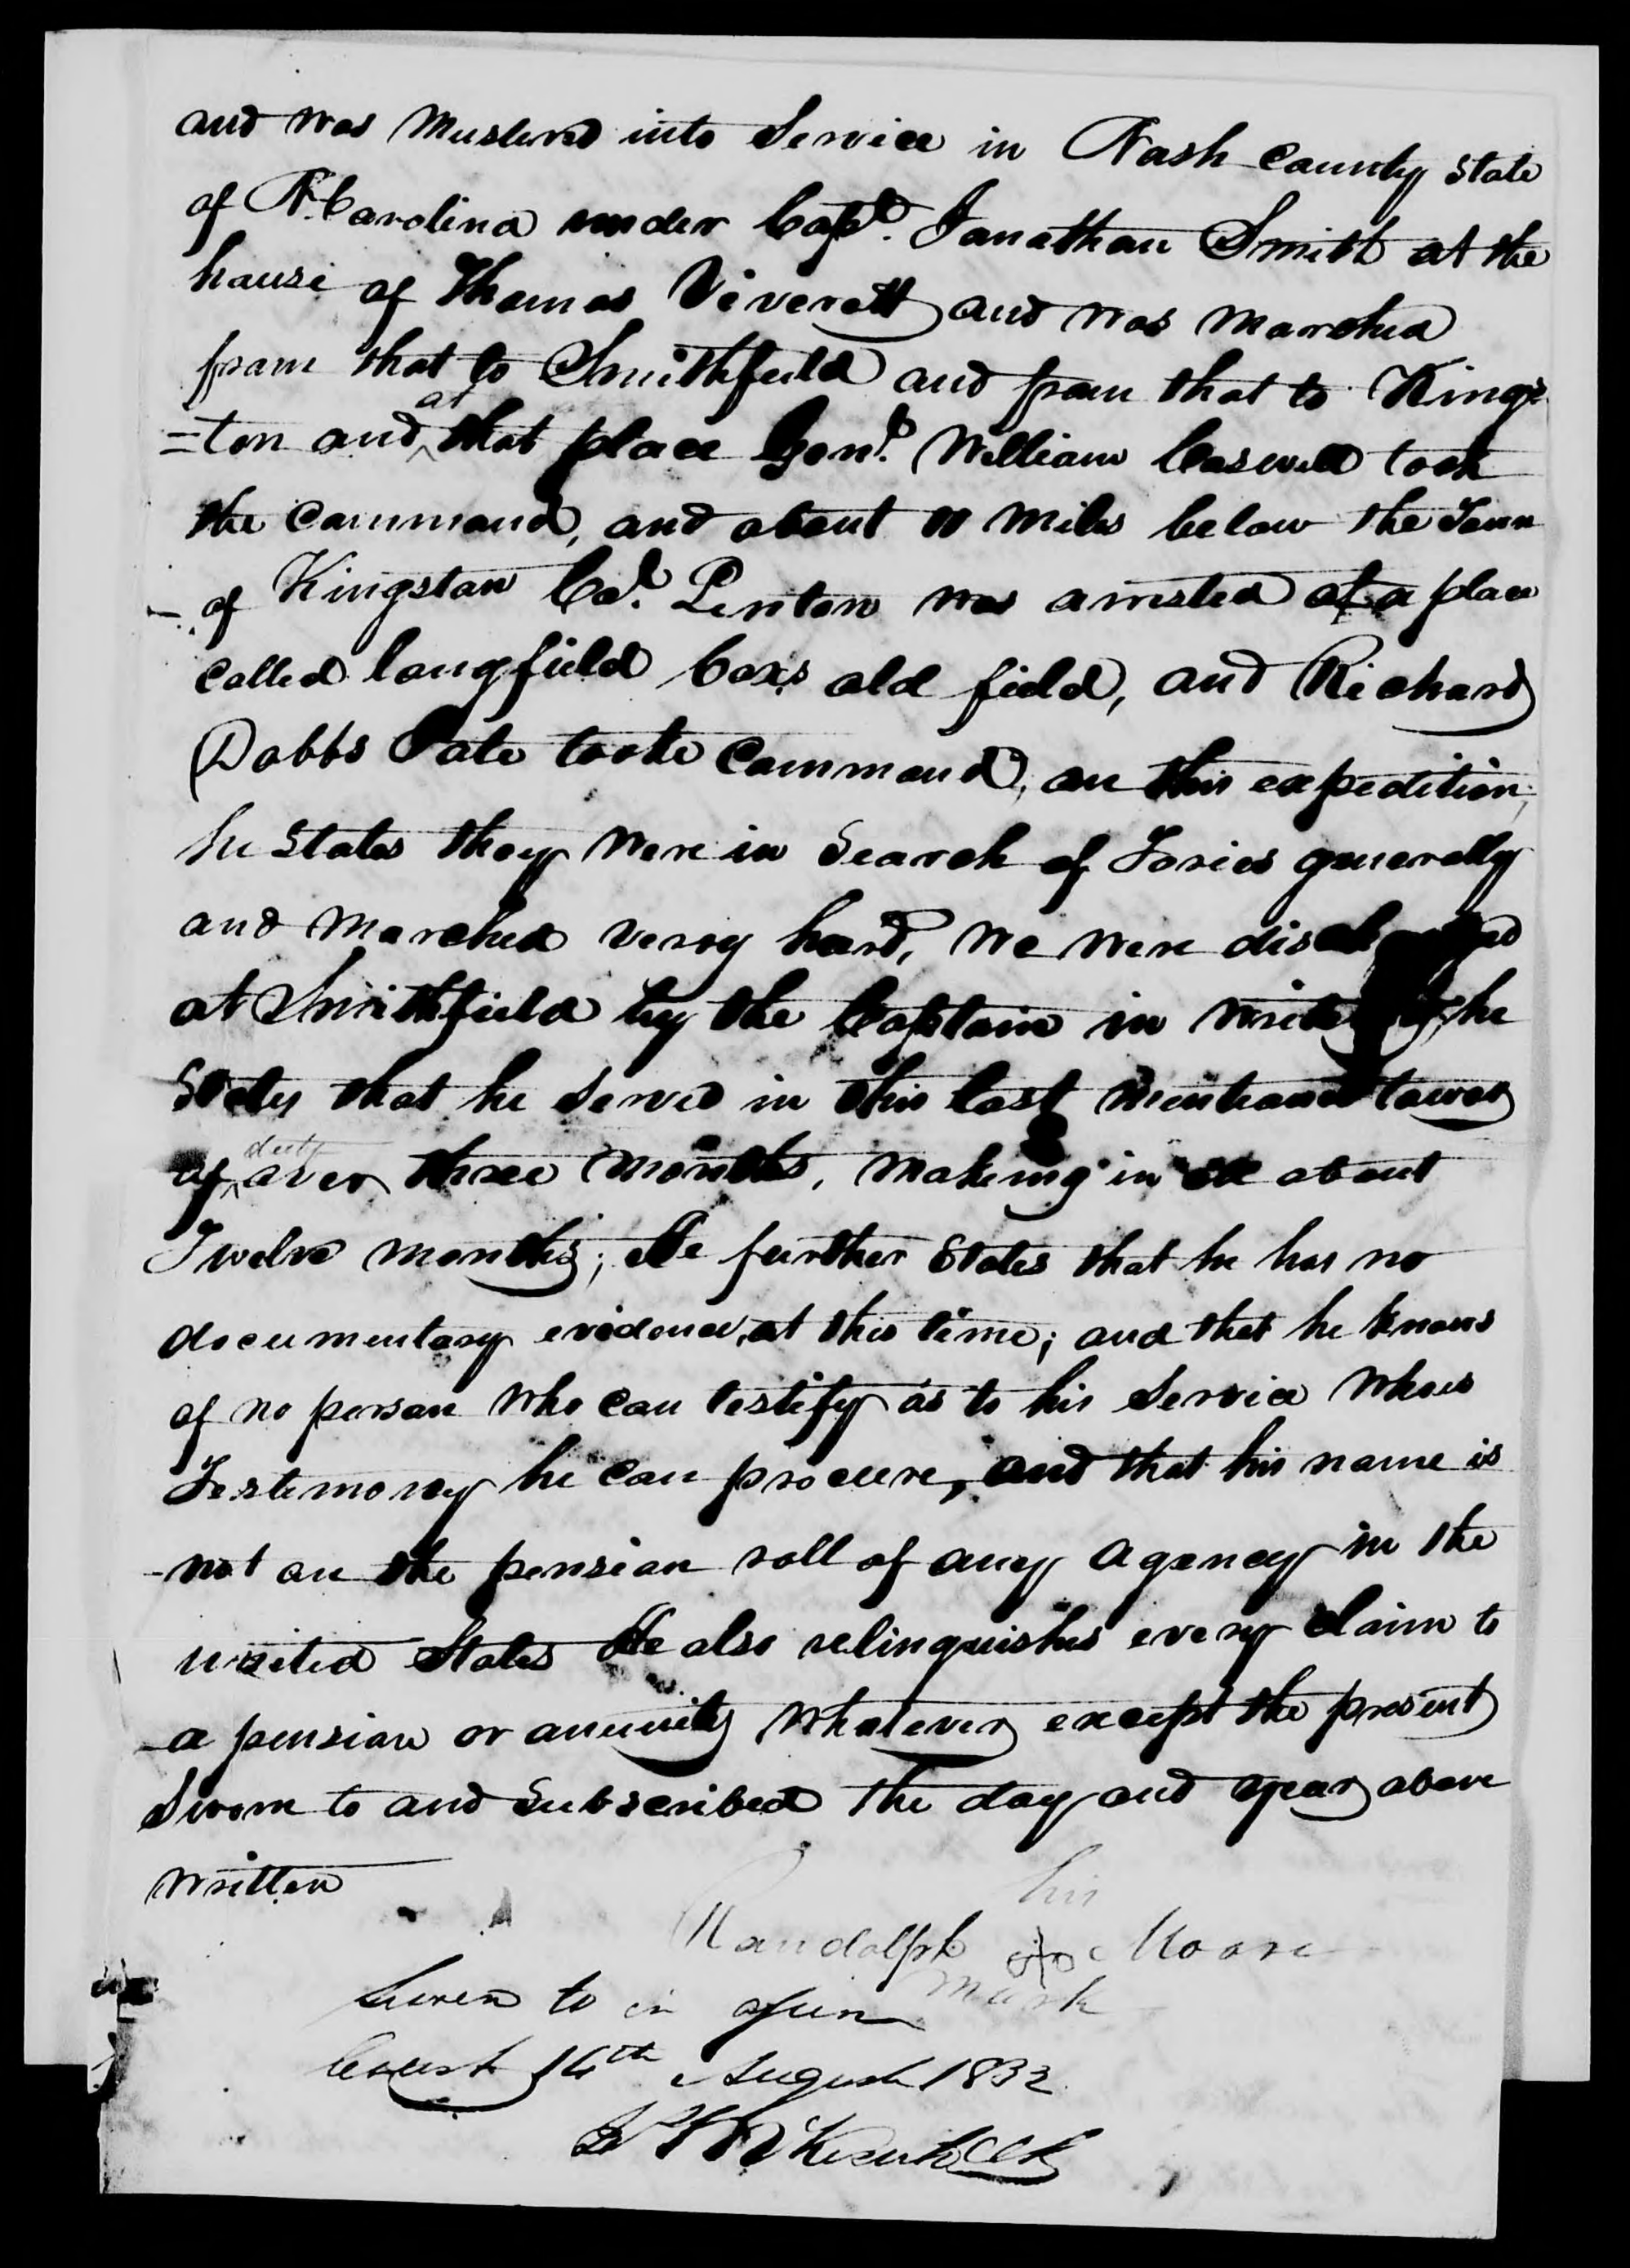and was mustered into Service in Nash County state of N. Carolina under Capt. Jonthan Smith at the house of Thomas Viverett and was marched from that to Smithfield and from that to Kingston and at that place Gen'l. William Caswell took the command and about 10 miles below the town of Kingston Col. Linton was arrested at a place called longfield Coxes old field, and Richard Dobbs  date took command on this expedition he states they were in search of Tories generally and marched very hard, we were discharged at Smithfield by the Captain in writing he states, that he served in this last mentioned tour of duty over three months, making in all about twelve months; he further states that he has no documentary evidence at this time; and that he knows of no person who can testify as to his service whose testimony he can procure, and that his name is not on the pension roll of any agency in the United States He also relinquishes every claim to a pension or annuity whatever except the present Sworn to and subscribed the day and year above written.
[Signature]
Randolph Moore X his mark
Sworn to in open Court 16th Augsut 1832
[Signature]
Jas McKisick Clk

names: [BLANK] Linton; [BLANK] Kingston; Jas Mc Kisick; William Caswell; [BLANK] Smithfield; Randolph Moore; Jonathan Smith; Richard Dobbs; Thomas Viverett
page: 7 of 33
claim: widow's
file: W. 52, for Randolph Moore, North Carolina